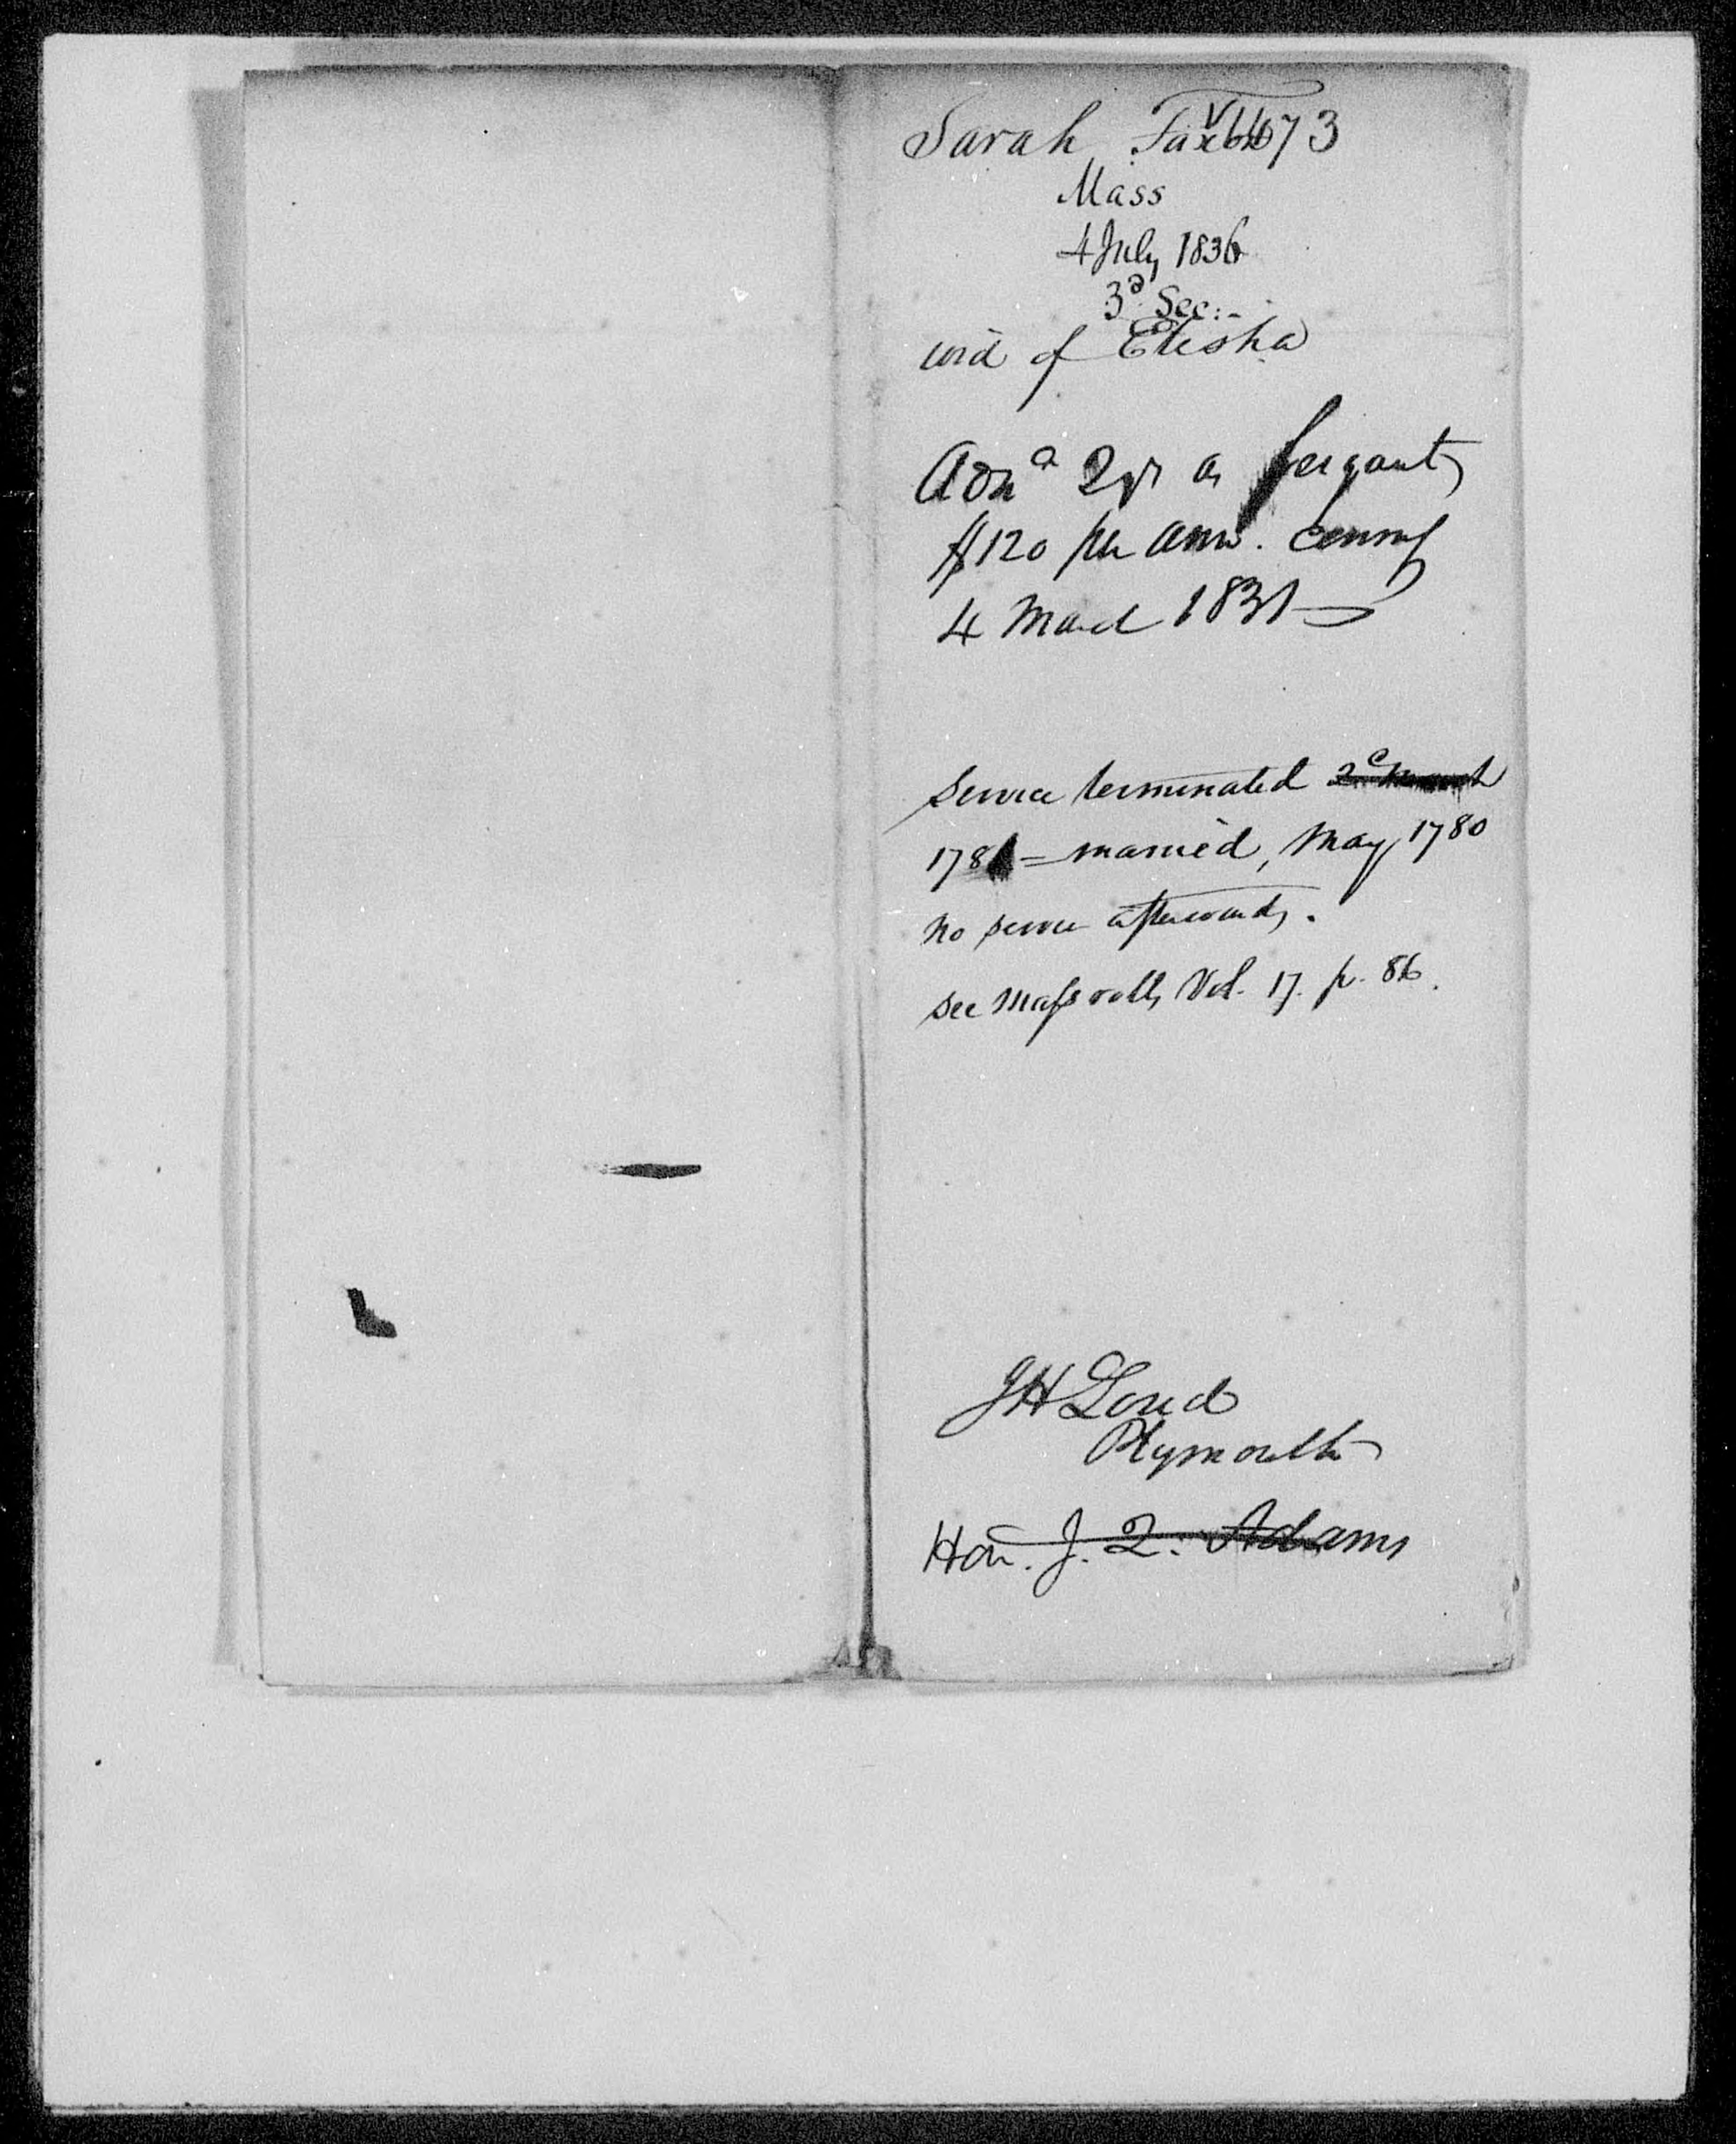Sarah Facon
Mass
4 July 1836
3rd Sec
widow of Elisha
(illegible) 2 years a Sergeant $120 per annum (illegible)
4 March 1831
Service terminated 178(illegible). married, May 1789 no service (illegible)
See Mass rolls Vol. 17 p. 86
JH Loud
Plymouth
Hon. JQ Adams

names: Elisha, J H Loud, J Q Adams, Sarah Faxon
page: 7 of 47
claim: widow's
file: W. 14703, Elisha Faxon, Mass